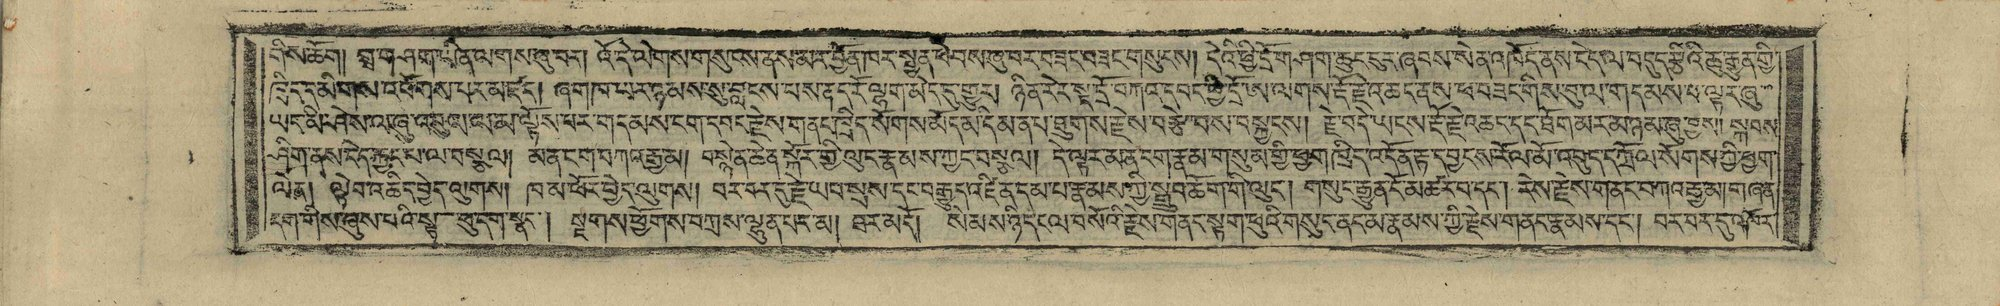གིས་ཆོག །གྲྭ་གཤག་ཡིན་ལགས་ཞུ་བར། འོ་དེ་ལེགས་གསུངས་ནས་མར་བྱོན་ཁར་སྤྱན་ཕེབས་ཞུ་བར་བཟང་བཟང་གསུངས། དེའི་ཕྱི་དྲོ་གཤག་ཆུང་ངུར་ཞབས་སེན་འཁོད་ནས་ངེད་ལ་བདུད་རྩིའི་ཆུ་རྒྱུན་གྱི་
ཁྲིད་དམིགས་འབོགས་པར་མཛད། ཞག་ཁ་ཡར་ཉམས་སུ་བླངས་པས་ནད་རོ་ལྷག་མེད་དུ་གྱུར། ཉིན་རེར་སྔ་དྲོ་བཀའ་དབང་ཕྱི་དྲོ་ཨ་ལགས་རྡོ་རྗེ་འཆང་ནས་ཕ་བཟང་གིས་བུ་ལ་གདམས་པ་ལྟར་ཞུ་
ཡང་མི་ཤེས་ལ་ཞུ་འབུལ་ལ་མ་ལྟོས་པར་གདམས་ངག་དབང་རྗེས་གནང་ཁྲིད་སོགས་མོད་མི་དམན་པ་ཐུགས་རྗེས་བརྩེ་བས་བསྐྱངས། རྗེ་བདེ་ཡངས་རྡོ་རྗེ་འཆང་དང་ཐོག་མར་མཉམ་ཞུ་བྱས། སྐབས་
ཤིག་ནས་ངེད་རྐྱང་པ་ལ་བསྩལ། མན་ངག་བཀའ་རྒྱ་མ། བསྙེན་ཆེན་སྐོར་གྱི་ལུང་རྣམས་ཀྱང་བསྩལ། དེ་ལྟར་མན་ངག་རྣམ་གསུམ་གྱི་ཕྱག་ཁྲིད་འདོན་རྟ་དབྱངས་རོལ་མོ་འབུད་དཀྲོལ་སོགས་ཀྱི་ཕྱག་
ལེན། ལྟེབ་འཆིང་བྱེད་ལུགས། ཁམ་ཕོར་བྱེད་ལུགས། བར་བར་དུ་རྗེ་ཡབ་སྲས་དང་བརྒྱུད་འཛིན་དམ་པ་རྣམས་ཀྱི་སྒྲུབ་ཆོག་གི་ལུང་། གསུང་རྒྱུན་ངོ་མཚར་བ་དང་། རེས་རྗེས་གནང་བཀའ་རྒྱ་མ། གཞན་
དག་གིས་ཞུས་པའི་སྟ་ཕུ་དག་སྣང་། སྔགས་ཕྱོགས་བཀྲས་ལྷུན་པར་མ། ཐར་མདོ། སེམས་ཉིད་ངལ་བསོའི་རྗེས་གནང་སྟག་ཕུའི་གསུང་ནང་མ་རྣམས་ཀྱི་རྗེས་གནང་རྣམས་དང་། བར་བར་དུ་འཁོར་